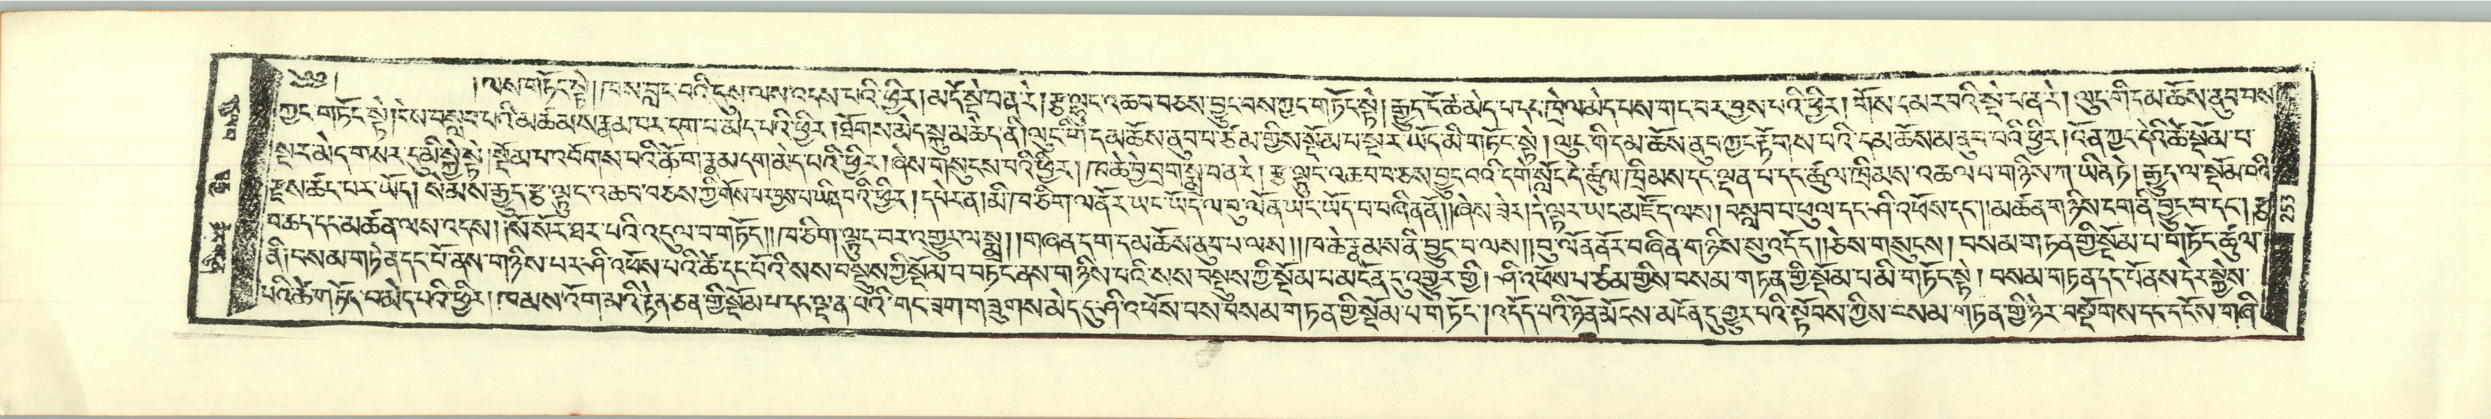༄༅། །ལས་གཏོང་སྟེ། ཁས་བླང་བའི་དུས་ལས་འདས་པའི་ཕྱིར། མདོ་སྡེ་བ་ན་རེ། རྩ་ལྷུང་འཆབ་བཅས་བྱུང་བས་ཀྱང་གཏོང་སྟེ། རྒྱུད་ངོ་ཚ་མེད་པ་དང་ཁྲེལ་མེད་པས་གང་བར་བྱས་པའི་ཕྱིར། གོས་དམར་བའི་སྡེ་པ་ན་རེ། ལུང་གི་དམ་ཆོས་ནུབ་བས་
ཀྱང་གཏོང་སྟེ། ངེས་བསླབ་པའི་མཚམས་རྣམ་པར་དག་པ་མེད་པའི་ཕྱིར། ཐོགས་མེད་སྐུ་མཆེད་ནི། ལུང་གི་དམ་ཆོས་ནུབ་པ་ཙམ་གྱིས་སྡོམ་པ་སྔར་ཡོད་མི་གཏོང་སྟེ། ལུང་གི་དམ་ཆོས་ནུབ་ཀྱང་རྟོགས་པའི་དམ་ཆོས་མ་ནུབ་བའི་ཕྱིར། འོན་ཀྱང་དེའི་ཚེ་སྡོམ་པ་
སྔར་མེད་གསར་དུ་མི་སྐྱེ་སྟེ། སྡོམ་པ་འབོགས་པའི་ཆོ་ག་རྣམ་དག་མེད་པའི་ཕྱིར། ཞེས་གསུངས་པའི་ཕྱིར། ཁ་ཆེ་བྱེ་བྲག་སྨྲ་བ་ན་རེ། རྩ་ལྟུང་འཆབ་བཅས་བྱུང་བའི་དགེ་སློང་དེ་ཚུལ་ཁྲིམས་དང་ལྡན་པ་དང་ཚུལ་ཁྲིམས་འཆལ་བ་གཉིས་ཀ་ཡིན་ཏེ། རྒྱུད་ལ་སྡོམ་པའི་
རྫས་ཚང་པར་ཡོད། སེམས་རྒྱུད་རྩ་ལྟུང་འཆབ་བཅས་ཀྱི་གོས་པར་བྱས་པ་ཡིན་པའི་ཕྱིར། དཔེར་ན། མི་ཁ་ཅིག་ལ་ནོར་ཡང་ཡོད་ལ་བུ་ལོན་ཡང་ཡོད་པ་བཞིན་ནོ། །ཞེས་ཟེར། དེ་ལྟར་ཡང་མཛོད་ལས། བསླབ་པ་ཕུལ་དང་ཤི་འཕོས་དང་། མཚན་གཉིས་ངག་ནི་བྱུང་བ་དང་། རྩ་
བ་ཆད་དང་མཚན་ལས་འདས། །སོ་སོར་ཐར་པའི་འདུལ་བ་གཏོད། །ཁ་ཅིག་ལྟུང་བར་འགྱུར་ལ་སྨྲ། །གཞན་དག་དམ་ཆོས་ནུབ་པ་ལས། །ཁ་ཆེ་རྣམས་ནི་བྱུང་བ་ལས། །བུ་ལོན་ནོར་བཞིན་གཉིས་སུ་འདོད། །ཅེས་གསུངས། བསམ་གཏན་གྱི་སྡོམ་པ་གཏོང་ཚུལ་
ནི༑ བསམ་གཏེན་དང་པོ་ནས་གཉིས་པར་ཤི་འཕོས་པའི་ཚེ་དང་པོའི་སས་བསྡུས་ཀྱི་སྡོམ་པ་བཏང་ནས་གཉིས་པའི་སས་བསྡུས་ཀྱི་སྡོམ་པ་མངོན་དུ་འགྱུར་གྱི། ཤི་འཕོས་པ་ཙམ་གྱིས་བསམ་གཏན་གྱི་སྡོམ་པ་མི་གཏོང་སྟེ། བསམ་གཏན་དང་པོ་ནས་དེར་སྐྱེས་
པའི་ཚེ་གཏོད་བ་མེད་པའི་ཕྱིར། ཁམས་འོག་མའི་རྟེན་ཅན་གྱི་སྡོམ་པ་དང་ལྡན་པའི་གང་ཟག་གཟུགས་མེད་དུ་ཤི་འཕོས་པས་བསམ་གཏན་གྱི་སྡོམ་པ་གཏོང་། འདོད་པའི་ཉོན་མོངས་མངོན་དུ་གྱུར་པའི་སྟོབས་ཀྱིས་བསམ་གཏན་གྱི་ཉེར་བསྡོགས་དང་དངོས་གཞི་